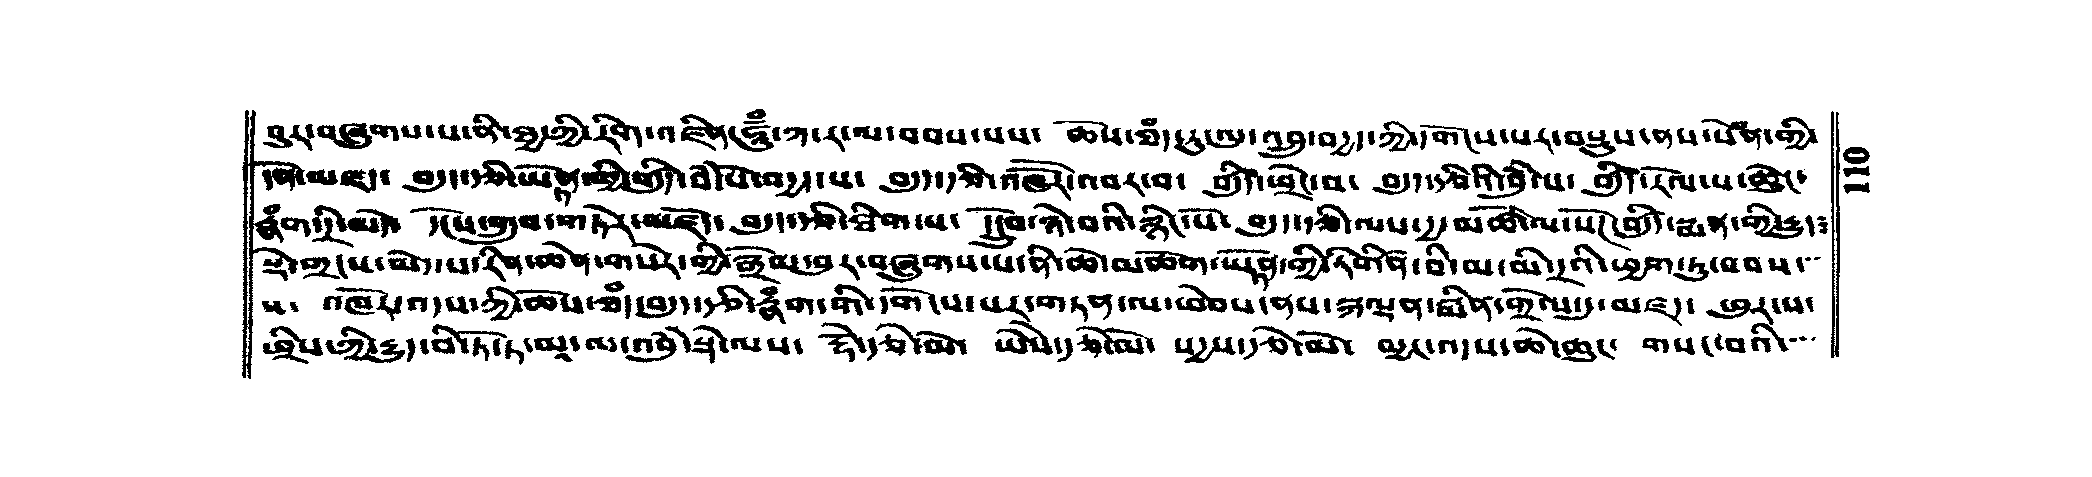བུར་བཞུགས་པ་ནི་ཐུགས་ཀྱི་རིག་འཛིན་ཧཱུྃ་ཀ་ར་ལ་བབས་པས།། ཆོས་ཐམས་ཅད་རུ་ལུ་འབྲུ་བརྒྱད་ཀྱི་དགོངས་པར་བསྡུས་ནས་སེམས་ཅན་གྱི་
དོན་མཛད། བདུད་རཅི་ཡོན་ཏན་གྱི་བདུད་རྩི་བམ་པོ་བརྒྱད་པ། བདུད་རྩི་འཁོར་ལོ་འབར་བ། བདུད་རྩི་ཕྲེང་བ། བདུད་རྩིའི་བུམ་པ། བདུད་རྩི་རོལ་པ་ཆེ་ཆུང་། 
རྣམ་དག་དྲི་མེད། དངོས་གྲུབ་གཏེར་མཛོད། བདུད་རྩི་ཐིག་པ། དངོས་གྲུབ་ཉེ་བའི་སྙིང་པོ། བདུད་རྩི་ལས་རྒྱ་མཚོ་ལ་སོགས་བདུད་རྩི་སྨན་གྱི་རྒྱུད་
སྡེ་གྲངས་མེད་པ་རིན་ཆེན་གསེར་གྱི་སྒྲོམ་བུར་བཞུགས་པ་ནི་ཆེ་མཆོག་ཡོན་ཏན་གྱི་རིག་འཛིན་བི་མ་མི་དྲའི་ཕྱག་ཏུ་བབས་
པ། འཁོར་འདས་ཀྱི་ཆོས་ཐམས་ཅད་བདུད་རྩི་རྣམ་དག་གི་དགོངས་པར་གཏན་ལ་ཕེབས་ནས་སྐལ་ལྡན་གྲོལ་དུ་མཛད། ཕུར་པ་
ཕྲིན་ལས་ཀྱི་རྒྱུད་བི་ཏོ་ཏཱ་མཱ་ལ་འབུམ་སྡེ་ལས། རྡོ་རྗེ་རྩེ་མོ། ཡེ་ཤེས་རྩེ་མོ། སངས་རྒྱས་རྩེ་མོ། མྱང་འདས་ཆེ་ཆུང་། གསང་བའི་